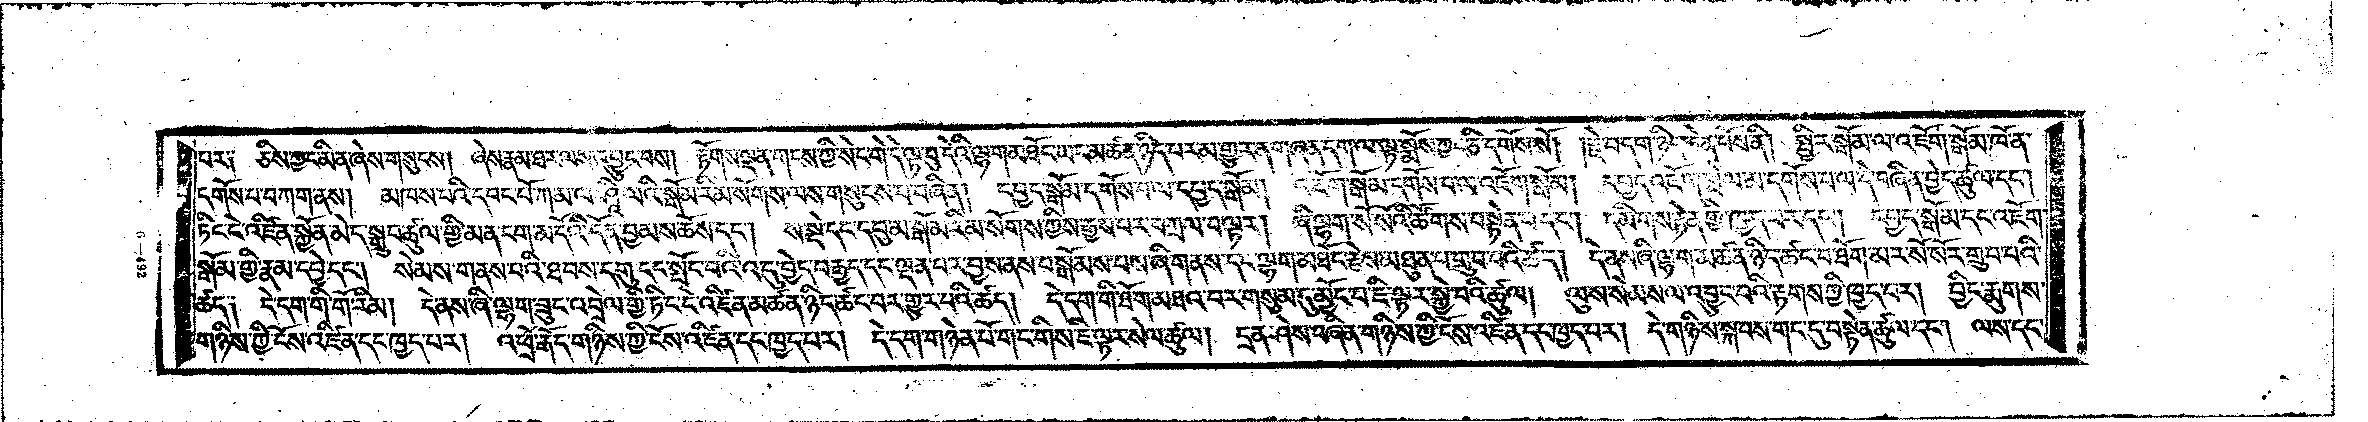བར༑ ཅིས་ཀྱང་མིན་ཞེས་གསུངས། ཞེས་རྣམ་ཐར་ལས་འབྱུང་བས། རྟོགས་ལྡན་གངས་ཀྱི་སེང་གེ་དེ་ལྟ་བུ་དེའི་ལྷག་མཐོང་ཡང་མཚན་ཉིད་པར་མ་གྱུར་ན་གཞན་དག་ལ་ལྟ་སྨོས་ཀྱང་ཅི་དགོས་སོ། །རྗེ་བདག་ཉིད་ཆེན་པོས་ནི། སྤྱིར་སྒོམ་ལ་འཇོག་སྒོམ་ཁོ་ན་
དགོས་པ་བཀག་ནས། མཁས་པའི་དབང་པོ་ཀམ་ལ་ཤཱི་ལའི་སྒོམ་རིམ་སོགས་ལས་གསུངས་བ་བཞིན། དཔྱད་སྒོམ་དགོས་པ་ལ་དཔྱད་སྒོམ། འཇོག་སྒོམ་དགོས་བ་ལ་འཇོག་སྒོམ། དཔྱད་འཇོག་སྤེལ་མ་དགོས་བ་ལ་དེ་བཞིན་བྱེད་ཚུལ་དང་།
ཏིང་ངེ་འཛིན་སྐྱོན་མེད་སྒྲུབ་ཚུལ་གྱི་མན་ངག་མདོའི་དོན་བྱམས་ཆོས་དང་། ས་སྡེ་དང་དབུམ་སྒོམ་རིམ་སོགས་ཀྱིས་རྒྱས་པར་བཀྲལ་བ་ལྟར། ཞི་ལྷག་སོ་སོའི་ཚོགས་བསྟེན་པ་དང་། དམིགས་རྟེན་གྱི་ཁྱད་པར་དང་། དཔྱད་སྒོམ་དང་འཇོག་
སྒོམ་གྱི་རྣམ་དབྱེ་དང་། སེམས་གནས་པའི་ཐབས་དགུ་དང་སྤོང་བའི་འདུ་བྱེད་བརྒྱད་དང་ལྡན་པར་བྱས་ནས་བསྒོམས་པས་ཞི་གནས་དང་ལྷག་མཐོང་རྗེས་མཐུན་པ་གྲུབ་པའི་ཚད། དེ་ནས་ཞི་ལྷག་མཚན་ཉིད་ཚང་བ་ཐོག་མར་སོ་སོར་གྲུབ་པའི་
ཚད༑ དེ་དག་གི་གོ་རིམ། དེ་ནས་ཞི་ལྷག་ཟུང་འབྲེལ་གྱི་ཏིང་ངེ་འཛིན་མཚན་ཉིད་ཚང་བར་གྱུར་བའི་ཚད། དེ་དག་གི་ཐོག་མཐའ་བར་གསུམ་དུ་མྱོང་བ་ཇི་ལྟར་སྐྱེ་བའི་ཚུལ། ལུས་སེམས་ལ་འབྱུང་བའི་རྟགས་ཀྱི་ཁྱད་པར། བྱིང་རྨུགས་
གཉིས་ཀྱི་ངོས་འཛིན་དང་ཁྱད་པར། འཕྲོ་རྒོད་གཉིས་ཀྱི་ངོས་འཛིན་དང་ཁྱད་པར། དེ་དག་གཉེན་པོ་གང་གིས་ཇི་ལྟར་སེལ་ཚུལ། དྲན་ཤེས་བཞིན་གཉིས་ཀྱི་ངོས་འཛིན་དང་ཁྱད་པར། དེ་གཉིས་སྐབས་གང་དུ་བསྟེན་ཚུལ་དང་། ལས་དང་